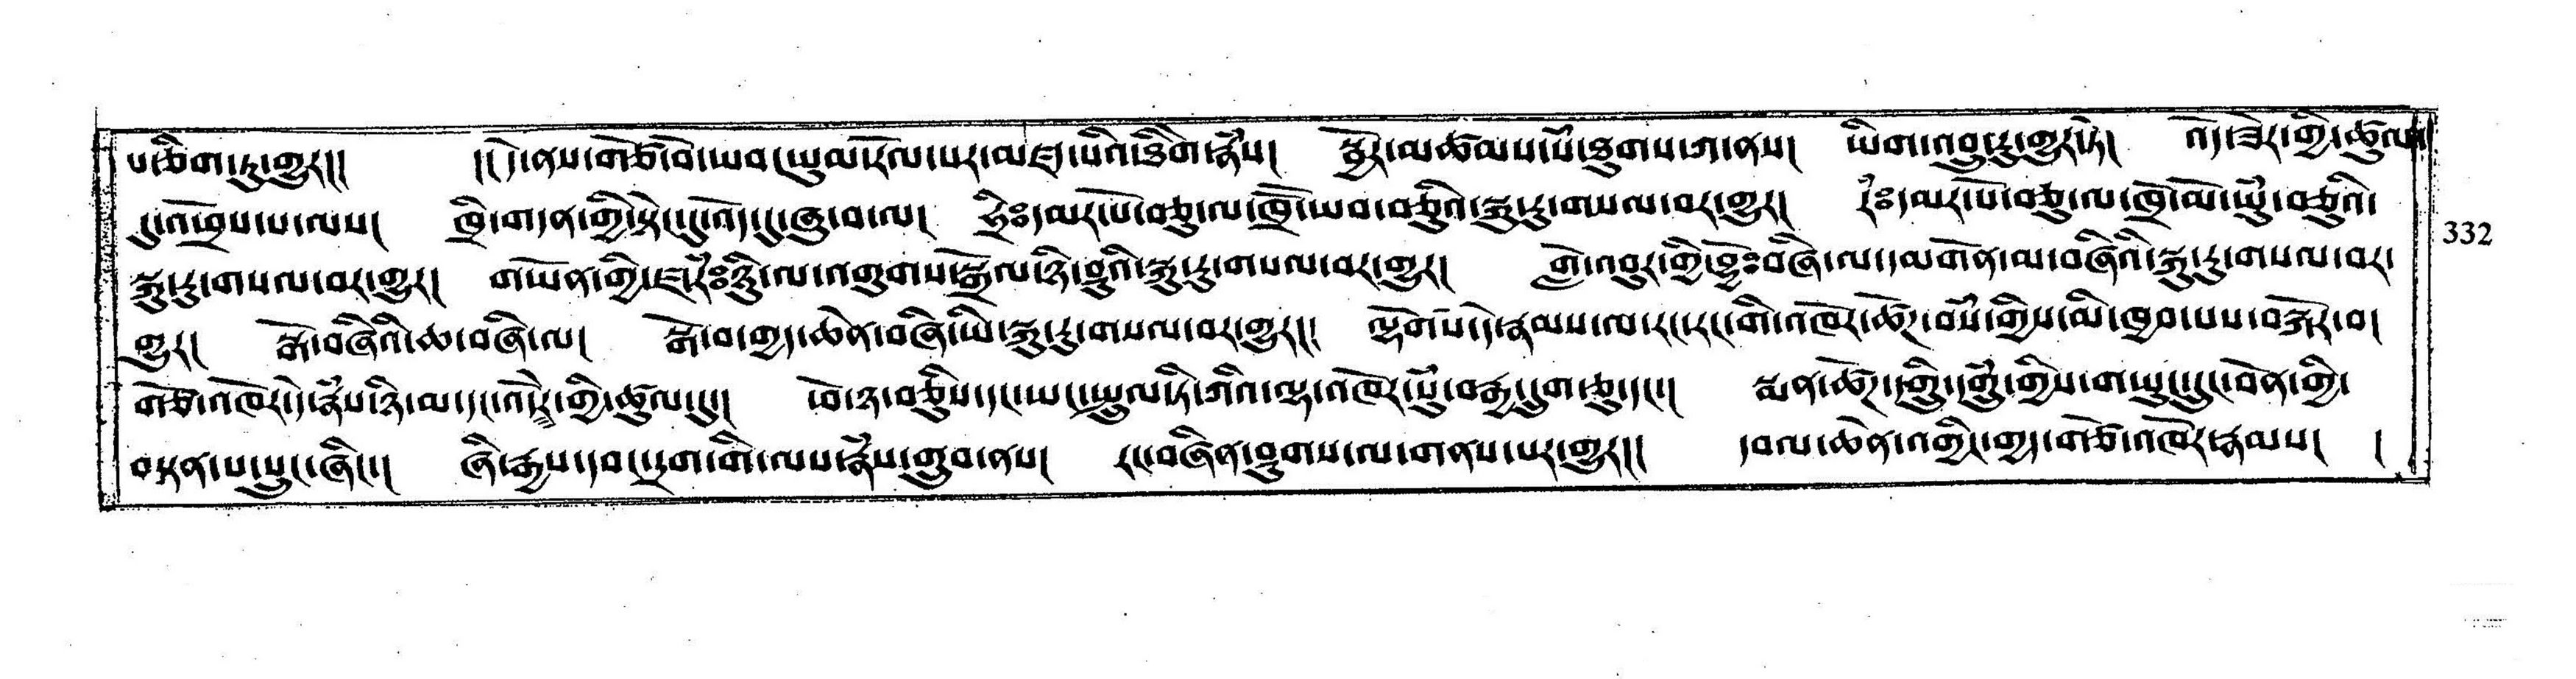པ་ཅིག་ཏུ་གྱུར།། །།དེ་ནས་གཙོ་བོ་ཡབ་ཡུམ་རོལ་པར་མཛད་པའི་ཐིག་ལེ་རྣམས། སྦྱོར་མཚམས་སམ་ཐུགས་ཀ་ནས། ཡིག་འབྲུ་རུ་གྱུར་ཏེ། འོད་ཟེར་གྱི་ཚུལ་
དུ་འཕྲོས་པ་ལས། ཁྲི་གདན་གྱི་སྟེང་དུ་འོད་དུ་ཞུ་བ་ལ། ཧྲིཿདམར་པོ་བཅུ་ལ་ཁྲོ་བོ་ཡབ་བཅུའི་སྐུ་རུ་གསལ་བར་གྱུར། རཾཿདམར་པོ་བཅུ་ལ་ཁྲོ་མོ་ཡུམ་བཅུའི་
སྐུ་རུ་གསལ་བར་གྱུར། གཡོན་གྱི་ཛ་རཾཿཉི་ཤུ་ལ་འགུགས་སྒྲོལ་ཉི་ཤུའི་སྐུ་རུ་གསལ་བར་གྱུར། གློ་འབུར་གྱི་བྷྱོཿབཞི་ལ་དམག་དཔོན་མ་བཞིའི་སྐུ་རུ་གསལ་བར་
གྱུར། སྒོ་བཞིའི་ཆ་བཞི་ལ། སྒོ་བ་གྱད་ཆེན་བཞི་ཡི་སྐུ་རུ་གསལ་བར་གྱུར།། ལྷ་ཚོགས་དེ་རྣམས་ལ་རང་རང་གི་འཁོར་ཚོགས་བསམ་གྱིས་མི་ཁྱབ་པས་བསྐོར་བ། 
གཙོ་འཁོར་དེ་རྣམས་ཉི་མ་དང་འོད་ཟེར་གྱི་ཚུལ་དུ། ཕོ་ཉ་བཅུ་གཉིས་དང་ཡང་སྤྲུལ་ཏི་ཀའི་ལྷ་འཁོར་སུམ་བརྒྱ་དྲུག་ཅུ་དང་། སྨན་ཚོགས་དགུ་ཁྲི་དགུ་འབུམ་གྱིས་གཡུང་དྲུང་བོན་གྱི་
བསྟན་པ་སྲུང་ཞིང་། ཞི་རྒྱས་དབང་དྲག་གི་ལས་རྣམས་གྲུབ་ནས། རང་བཞིན་ཤུགས་ལ་གནས་པར་གྱུར།། དབལ་ཆེན་འགྱིང་གྱད་གཙོ་འཁོར་རྣམས།